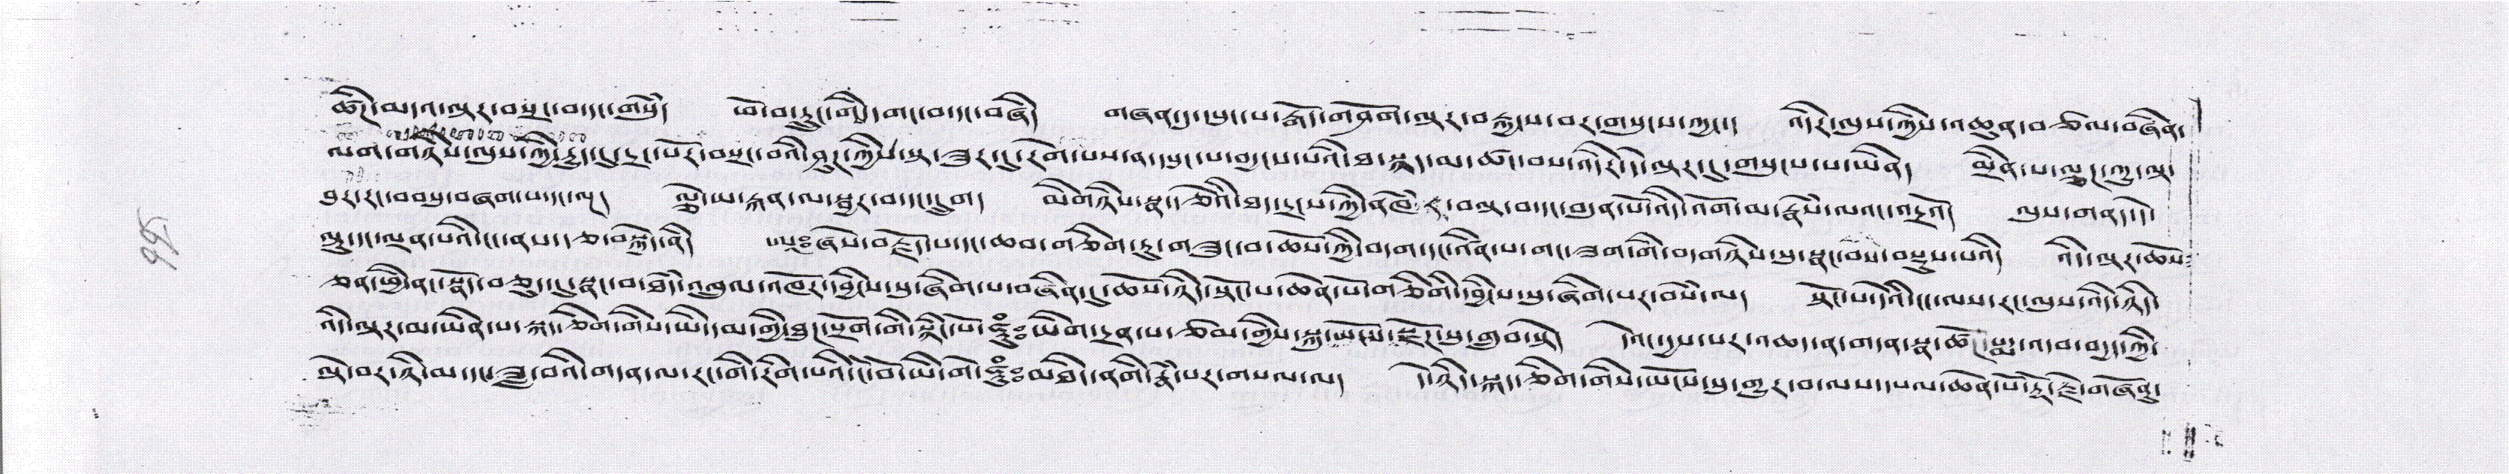ཚིགས་མདའ་ལྟར་བསྲང་བ་དང་གསུམ། ཕོ་བ་རླུང་གིས་དགང་བ་དང་བཞི། གཞན་དུ་དཔུང་པ་རྒོད་གཤོག་ལྟར་བརྐྱང་བ་གསུངས་ཀྱང་འདིར་ལུས་ཀྱི་འཆུན་བཙལ་བཞིན་
ལག་གཉིས་ལུས་ཀྱི་རྒྱུད་དུ་དྲང་པོར་བསྲང་བའི་ཤུགས་ཀྱིས་སྟ་ཟུར་དུ་རེག་པས་ན་དཔུང་པ་བརྒྱངས་པའི་ཐ་སྙད་མ་ཚང་བས་འདིར་དེ་ལྟར་དུ་གསུངས་པ་ཡིན། མགྲིན་པ་ལྕགས་ཀྱུ་ལྟ་
བུར་རང་བབས་སུ་བཞག་པ་དང་ལྔ། ལྕེ་ཡ་རྐན་ལ་སྦྱར་བ་དང་དྲུག མིག་གཉིས་སྣ་རྩེའི་ཐད་དྲང་གི་ནམ་མཁར་བལྟ་བ་དང་བདུན་པོ་འདི་འོག་མ་རྣམས་ལའང་འདྲའོ། །ལུས་གནད་དེ་
ལྟ་བུ་དང་ལྡན་པའི་ངང་ནས་རྩ་བསྐྱེད་ནི། ཨཿཞེས་བརྗོད་པ་དང་ཆབས་ཅིག་ཏུ་གཟུང་བ་ཆོས་ཀྱི་བདག་དང་འཛིན་པ་གང་ཟག་གི་བདག་གཉིས་སུ་སྣང་བས་བསྡུས་པའི་འདི་ལྟར་ཆོས་
ཅན་ཕྱི་ནང་སྣོད་བཅུད་དུ་སྣང་བ་ཐམས་ཅད་འཁྲུལ་འཁོར་དབྱིངས་སུ་ཞིག་པ་བཞིན་དུ་ཆོས་ཉིད་སྟོང་པ་ཆེན་པོ་གཅིག་གི་དབྱིངས་སུ་ཞིག་པར་བསམ་ལ། སྟོང་པ་དེའི་ངང་ལས་རང་ལུས་འདི་ཉིད་
འདི་ལྟར་མ་ཡིན་པར་སྐད་ཅིག་གིས་ཡི་དམ་གྱི་ཐུགས་སྲོག་གི་སྙིང་པོ་ཧཱུཾཿཡིག་དྲན་པ་ཙམ་གྱིས་སྐུ་ཡོིངས་རྫོགས་སུ་གྲུབ་སྟེ། དེའང་རྒྱས་པར་འཆད་ན་གདན་སྣ་ཚོགས་པདྨ་འདབ་བརྒྱད་ཀྱི་
ལྟེ་བར་ཉི་མ་དང་ཟླ་བའི་གདན་ལ་རང་གི་རིག་པའི་ངོ་བོ་ཡི་གེ་ཧཱུཾཿམཐིང་ནག་གི་རྣམ་པར་གསལ་ལ། དེ་ཉིད་སྐད་ཅིག་གིས་ཡོངས་སུ་གྱུར་པ་ལས། དཔལ་ཆེན་པོ་རྡོ་རྗེ་གཞོན་ནུ་